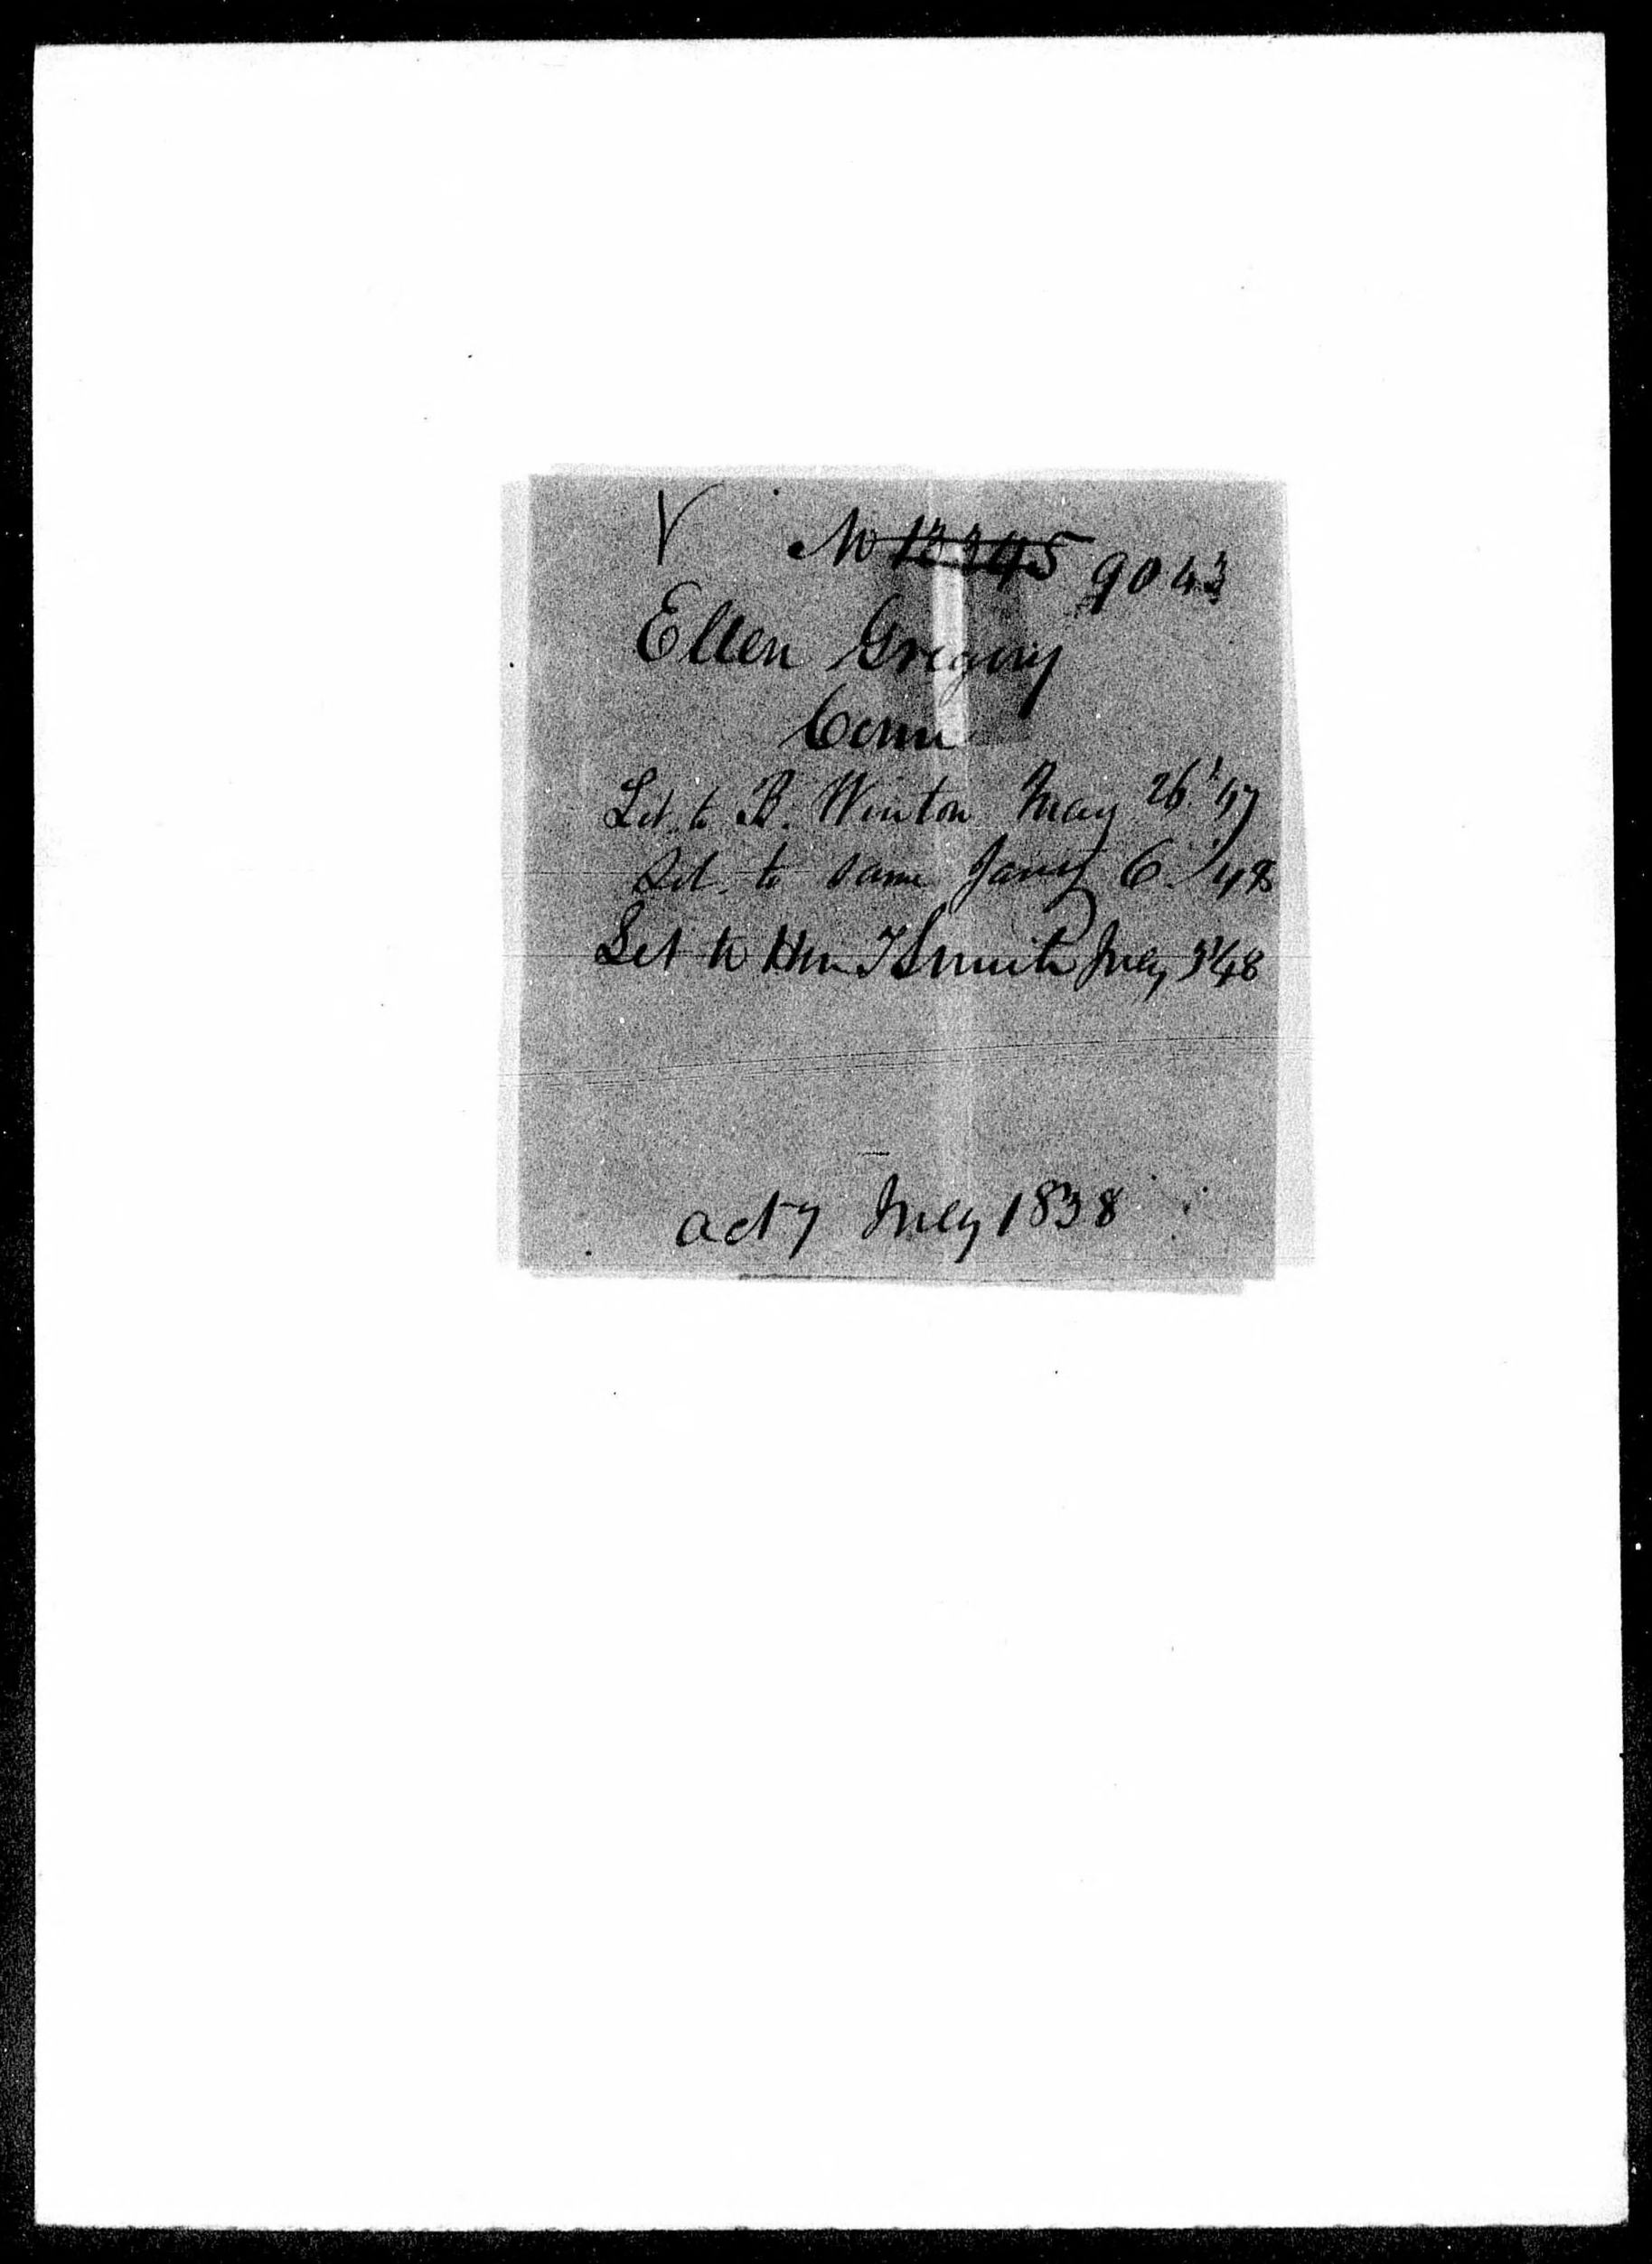V         No 9043
Ellen Gregory
   Conn
Let. to B. Winton May 26 '47
Let. to same Jany 6 '48
Let to Hon T Smith July 3 '48

Act 7 July 1838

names: T Smith, B Winton, Ellen Gregory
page: 22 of 49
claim: widow's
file: W 24308, Josiah Gregory, Conn.